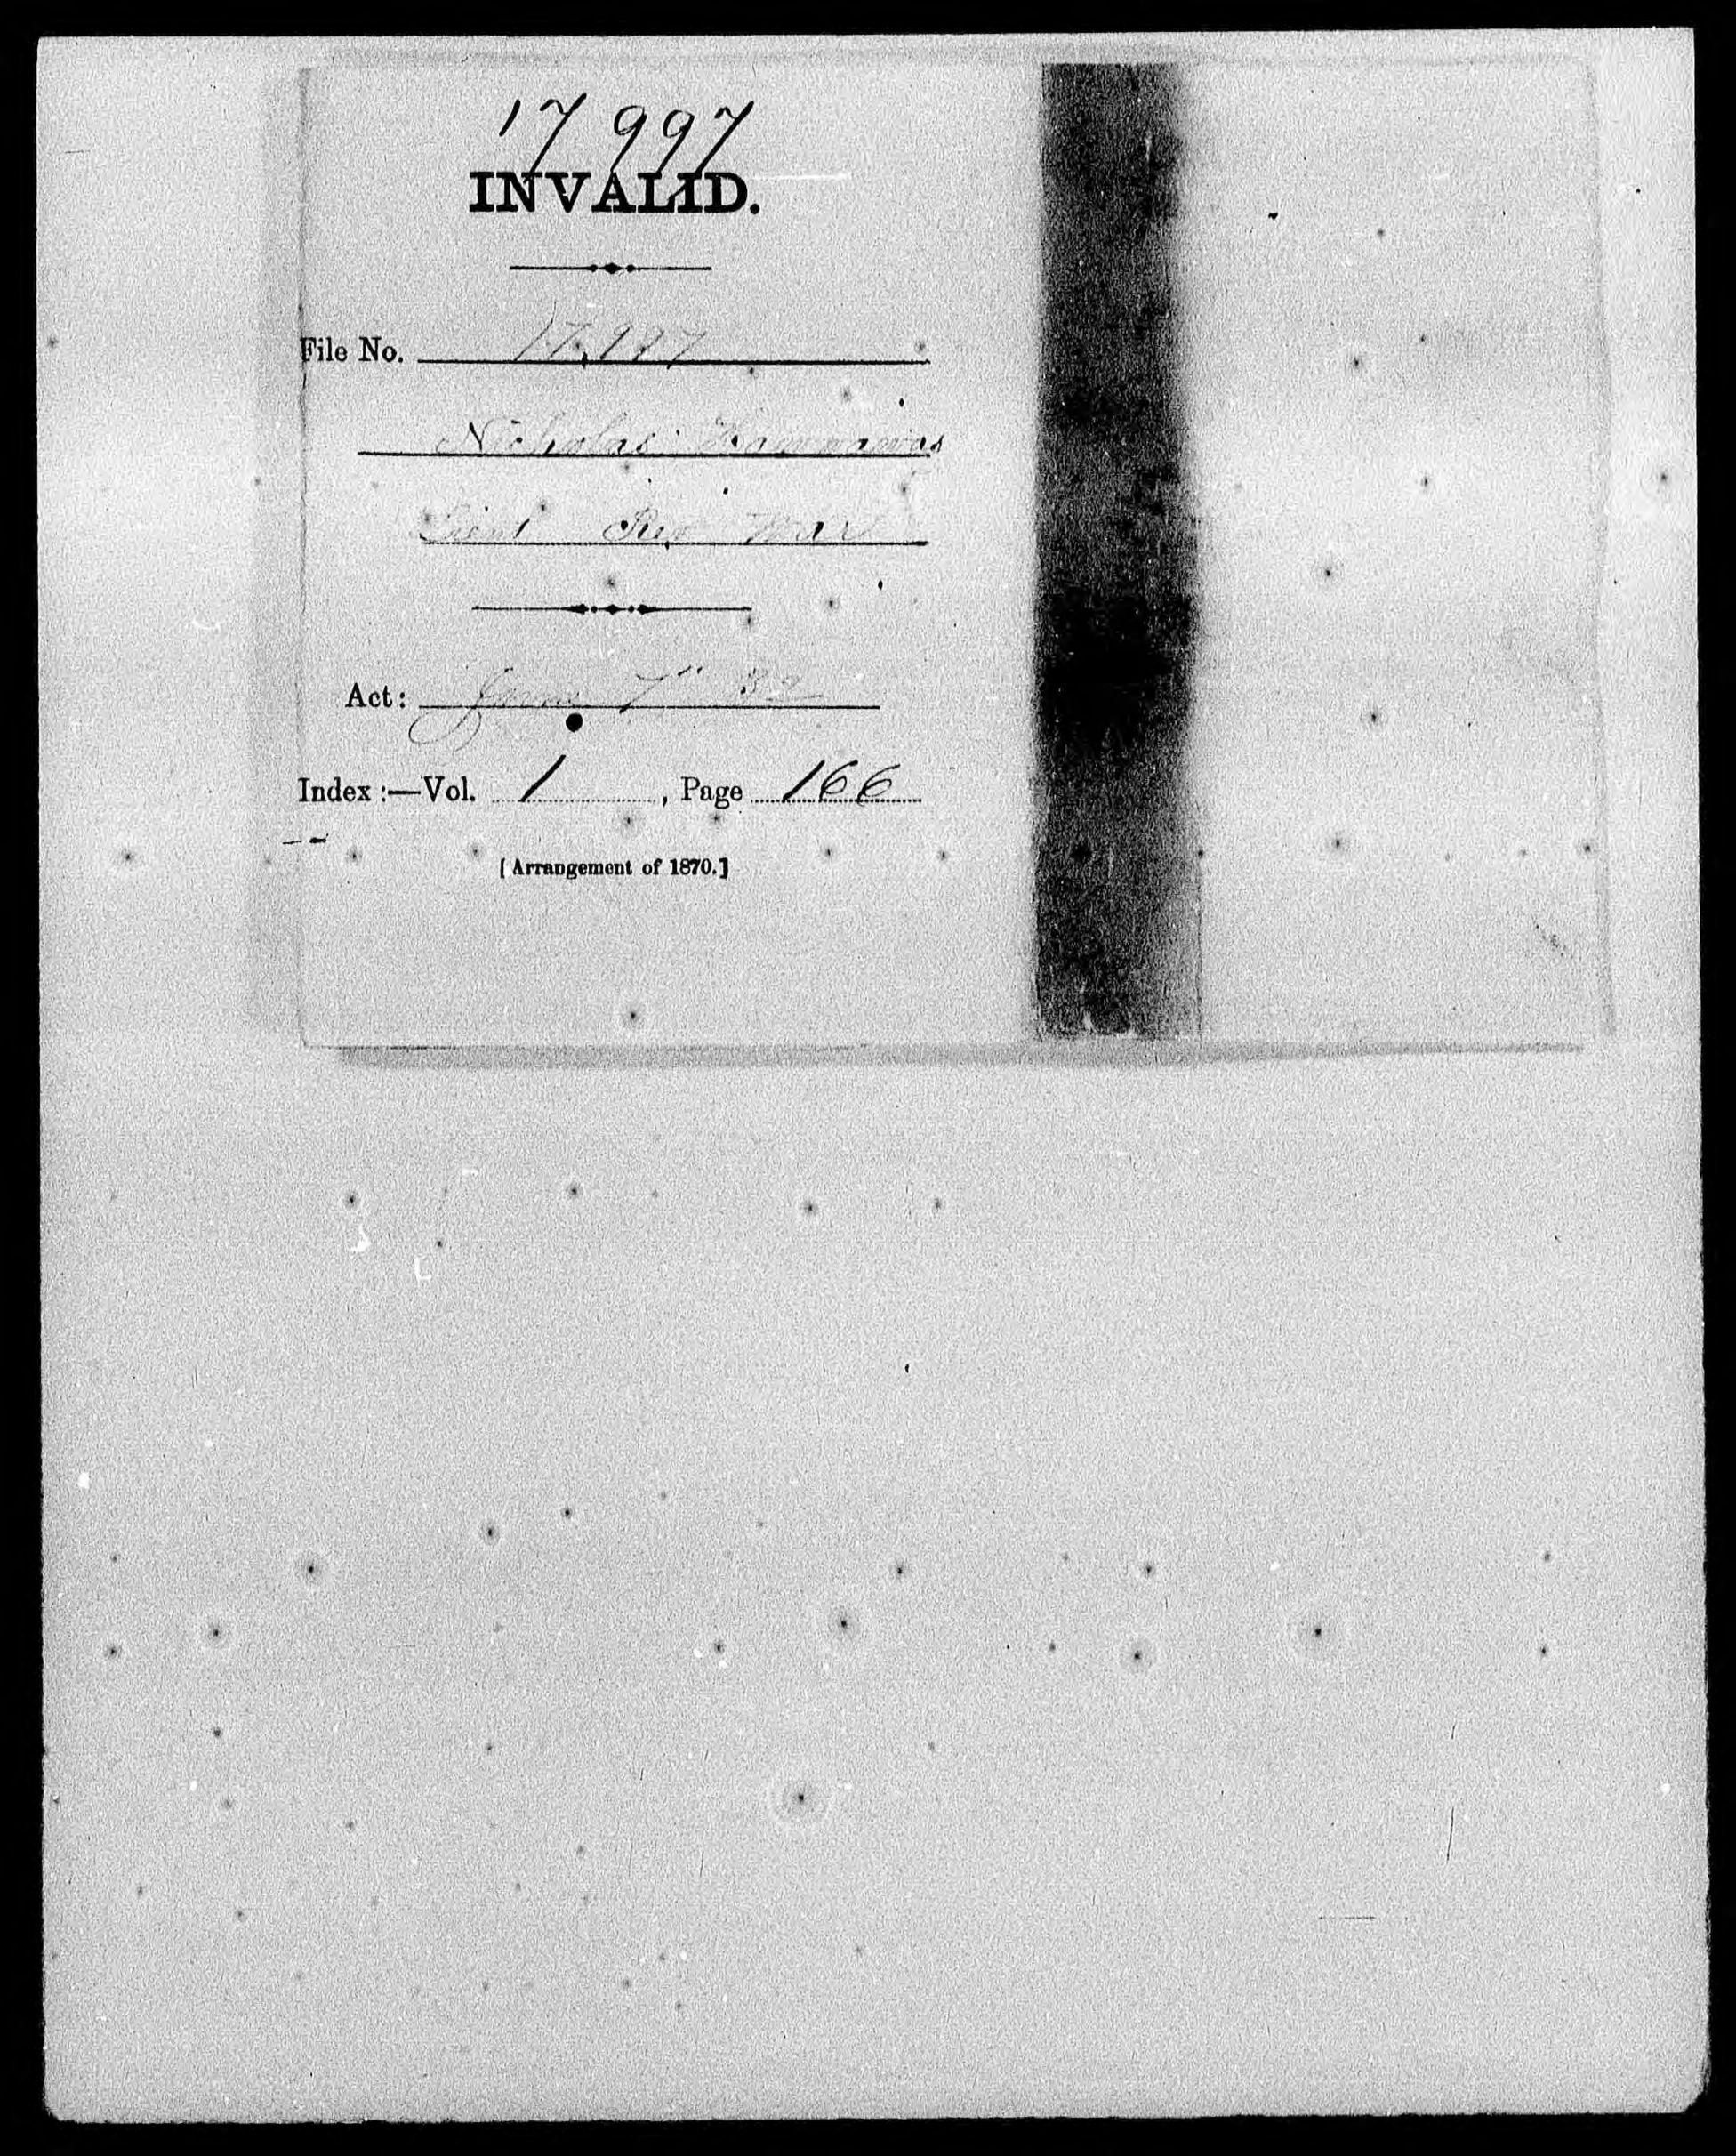17997
INVALID [printed]
File No. 17997
Nicholas Hawwawas 
Lieut Rev War
Act: June 7th 82
Index:-Vol. 1, Page 166
[Arrangement of 1870.]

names: Nicholas Hawwawas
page: 16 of 52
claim: survivor's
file: S 17997, Nicholas Hawwawas, Mass.